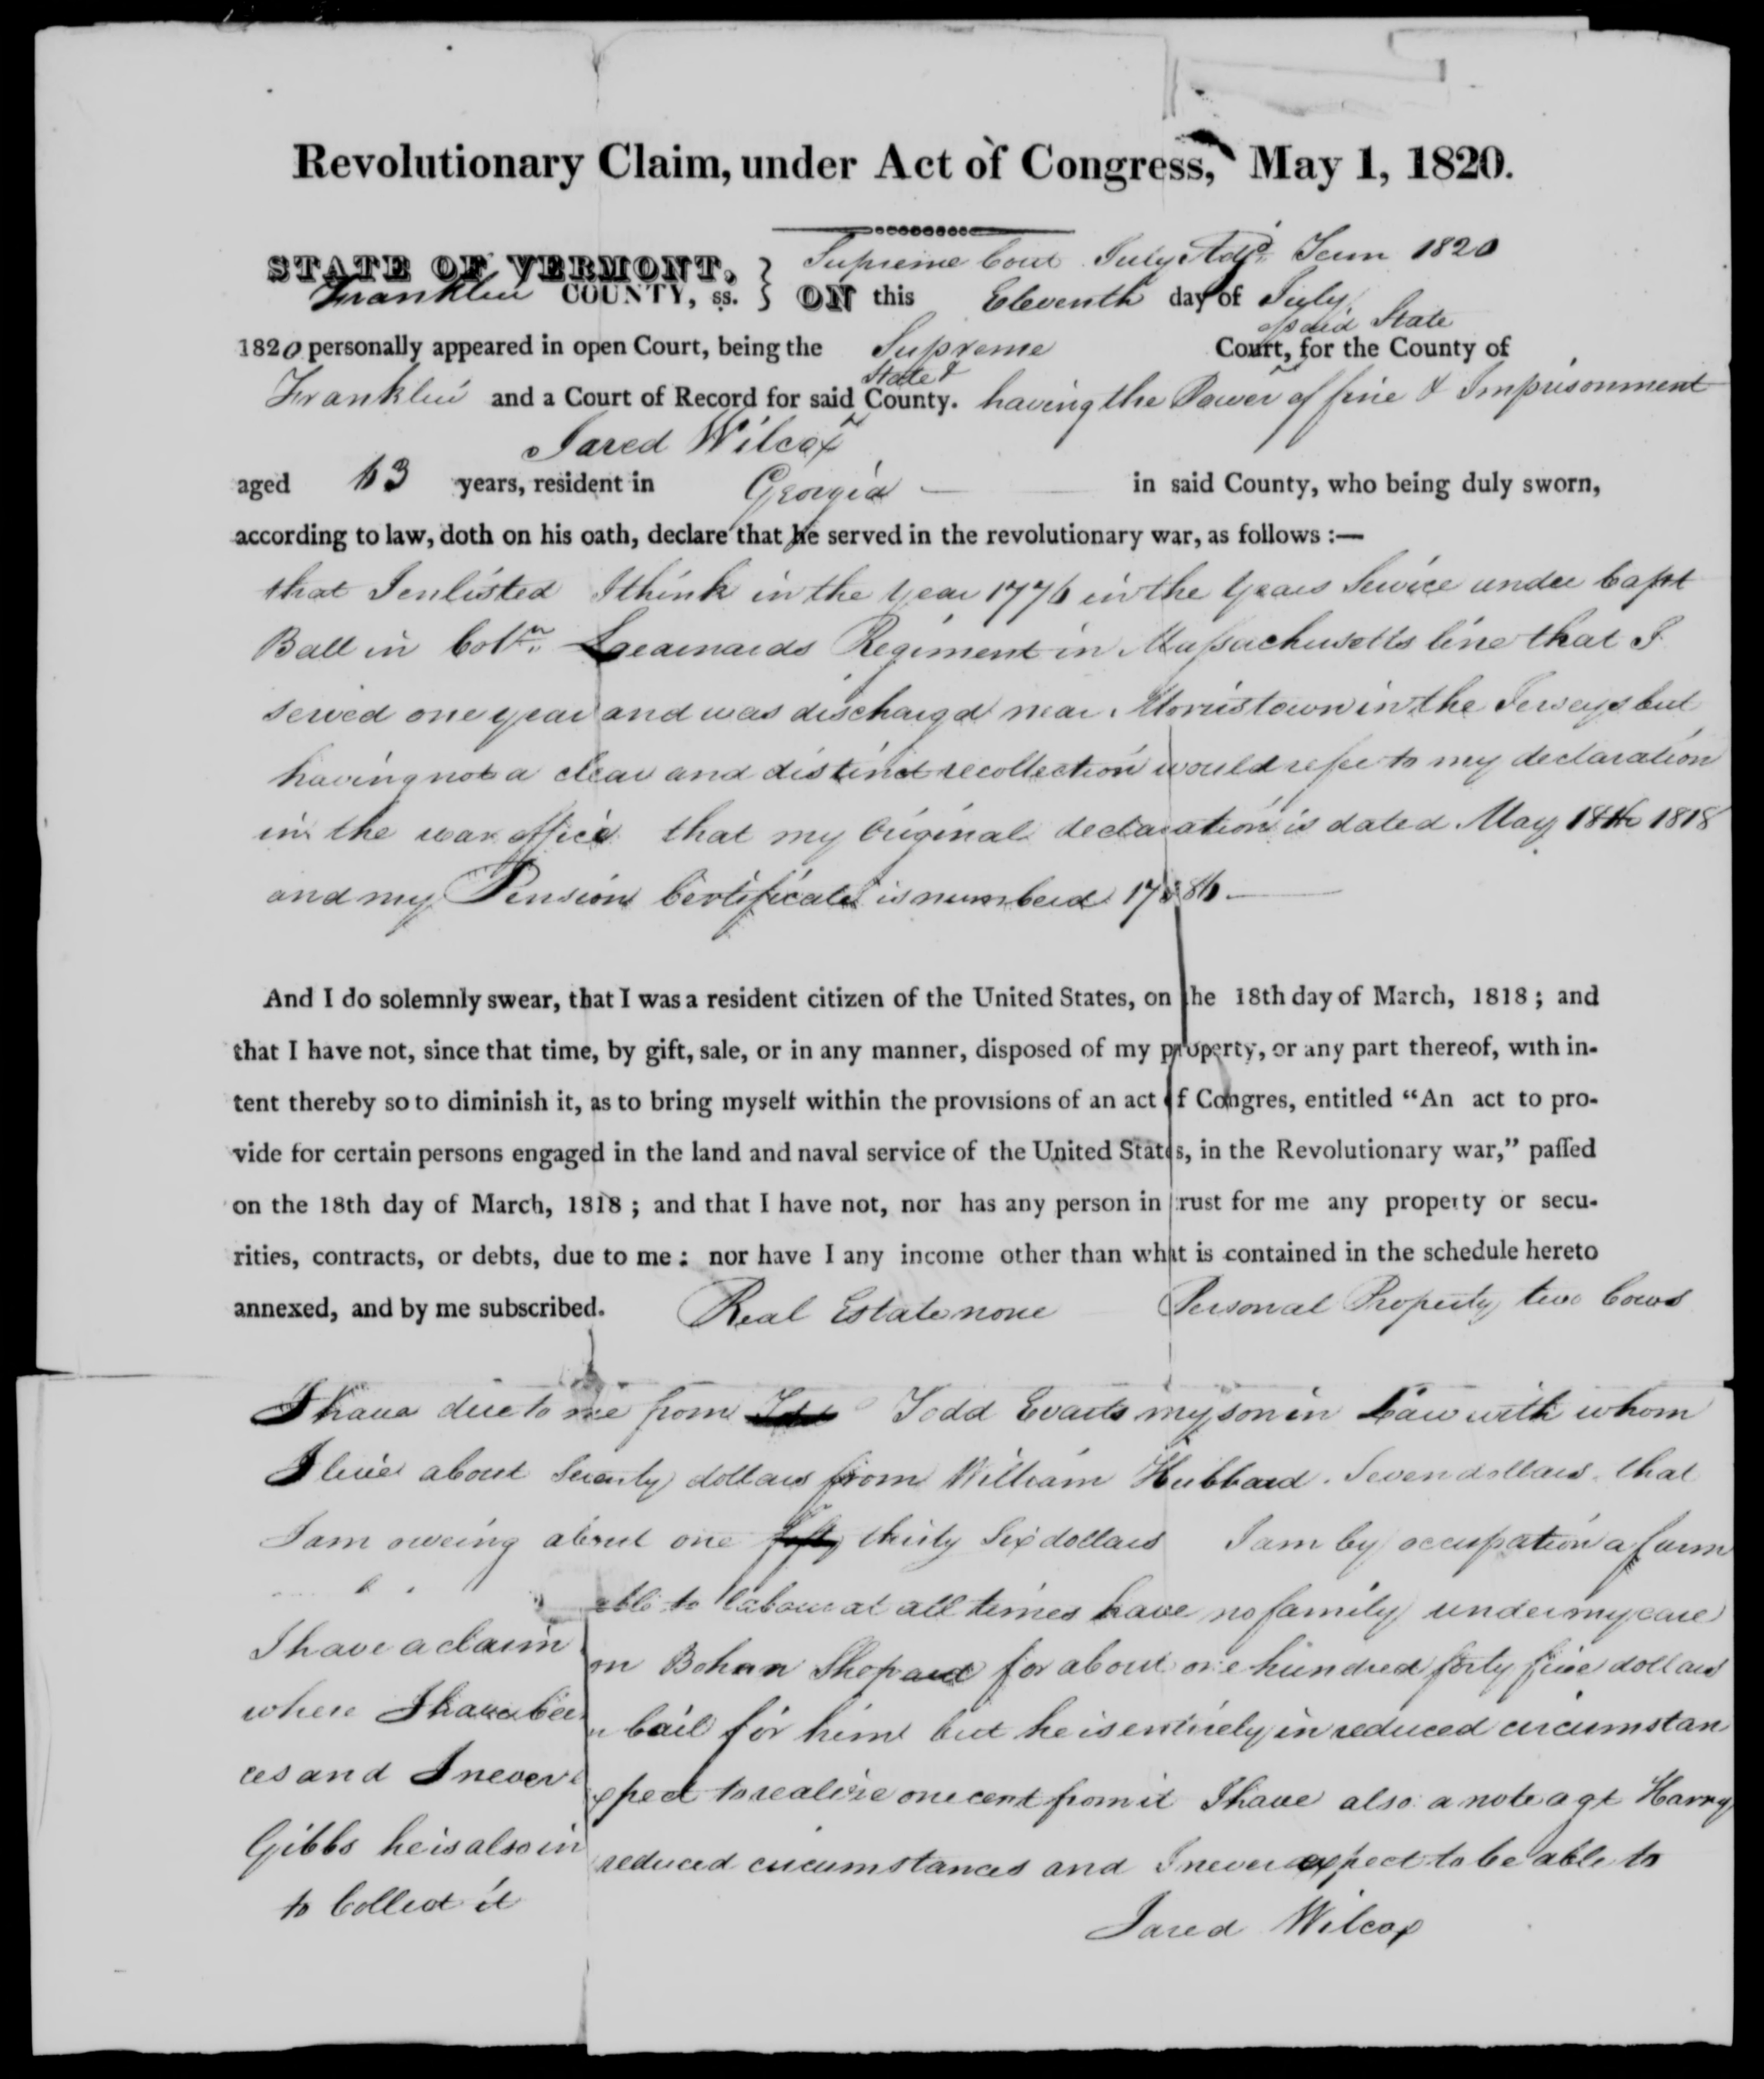Revolutionary Claim, under Act of Congress, May 1, 1820.

State of Vermont } Supreme Court July (illegible) Term 1820
Franklin COUNTY, ss. } ON this Eleventh day of July
1820 personally appeared in open Court, being the Supreme Court, (of said State = inserted) for the County of
Franklin and a Court of Record for said (State & =inserted) County. having the Power of fine & Imprisonment
Jared Wilcox
aged 63 years, resident in Georgia in said County, who being duly sworn,
according to law, doth on his oath, declare that he served in the revolutionary war, as follows: --

that I enlisted I think in the year 1776 in the years Service under Capt
Ball in Col. Seanards Regiment in Massachusetts line that I
served one year and was discharged near Morristown in the Jerseys but
having not a clear and distinct recollection would refer to my declaration
in the war office that my original declaration is dated May 18th 1818
and my Pension Certificate is numbered 1738h

And I do solemnly swear, that I was a resident citizen of the United States, on the 18th day of March, 1818; and
that I have not, since that time, by gift, sale, or in any manner, disposed of my property, or any part thereof, with
intent thereby so to diminish it, as to bring myself within the provisions of an act of Congres, [Congress,] entitled "An act to provide
for certain persons engaged in the land and naval service of the United States, in the Revolutionary war," passed
on the 18th day of March, 1818; and that I have not, nor has any person in trust for me any property or
securities, contracts, or debts, due to me: nor have I any income other than what is contained in the schedule hereto
annexed, and by me subscribed.
Real Estate  none  Personal Property two Cows

I have due to me from Todd Evarts my son in law with whom
I lived about seventy dollars from William Hubbard Seven dollars that
I am owing about one (fifty = crossed out) thirty Six dollars  I am by occupation a farmer
(illegible - blank) able to labour [labor] at all times have no family under my care
I have a claim on Bohan Shepard for about one hundred forty five dollars
where I have been bail for him but he is entirely in reduced circumstances
and I never expect to realize one cent from it  I have also a note agt Harry
Gibbs  he is also in reduced circumstances and I never expect to be able to
to [sic] Collect it
Jared Wilcox  (signature)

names: William Hubbard, Jared Wilcox, Harry Gibbs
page: 4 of 34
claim: survivor's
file: S. 41337, Jared Wilcox, Continental Mass.